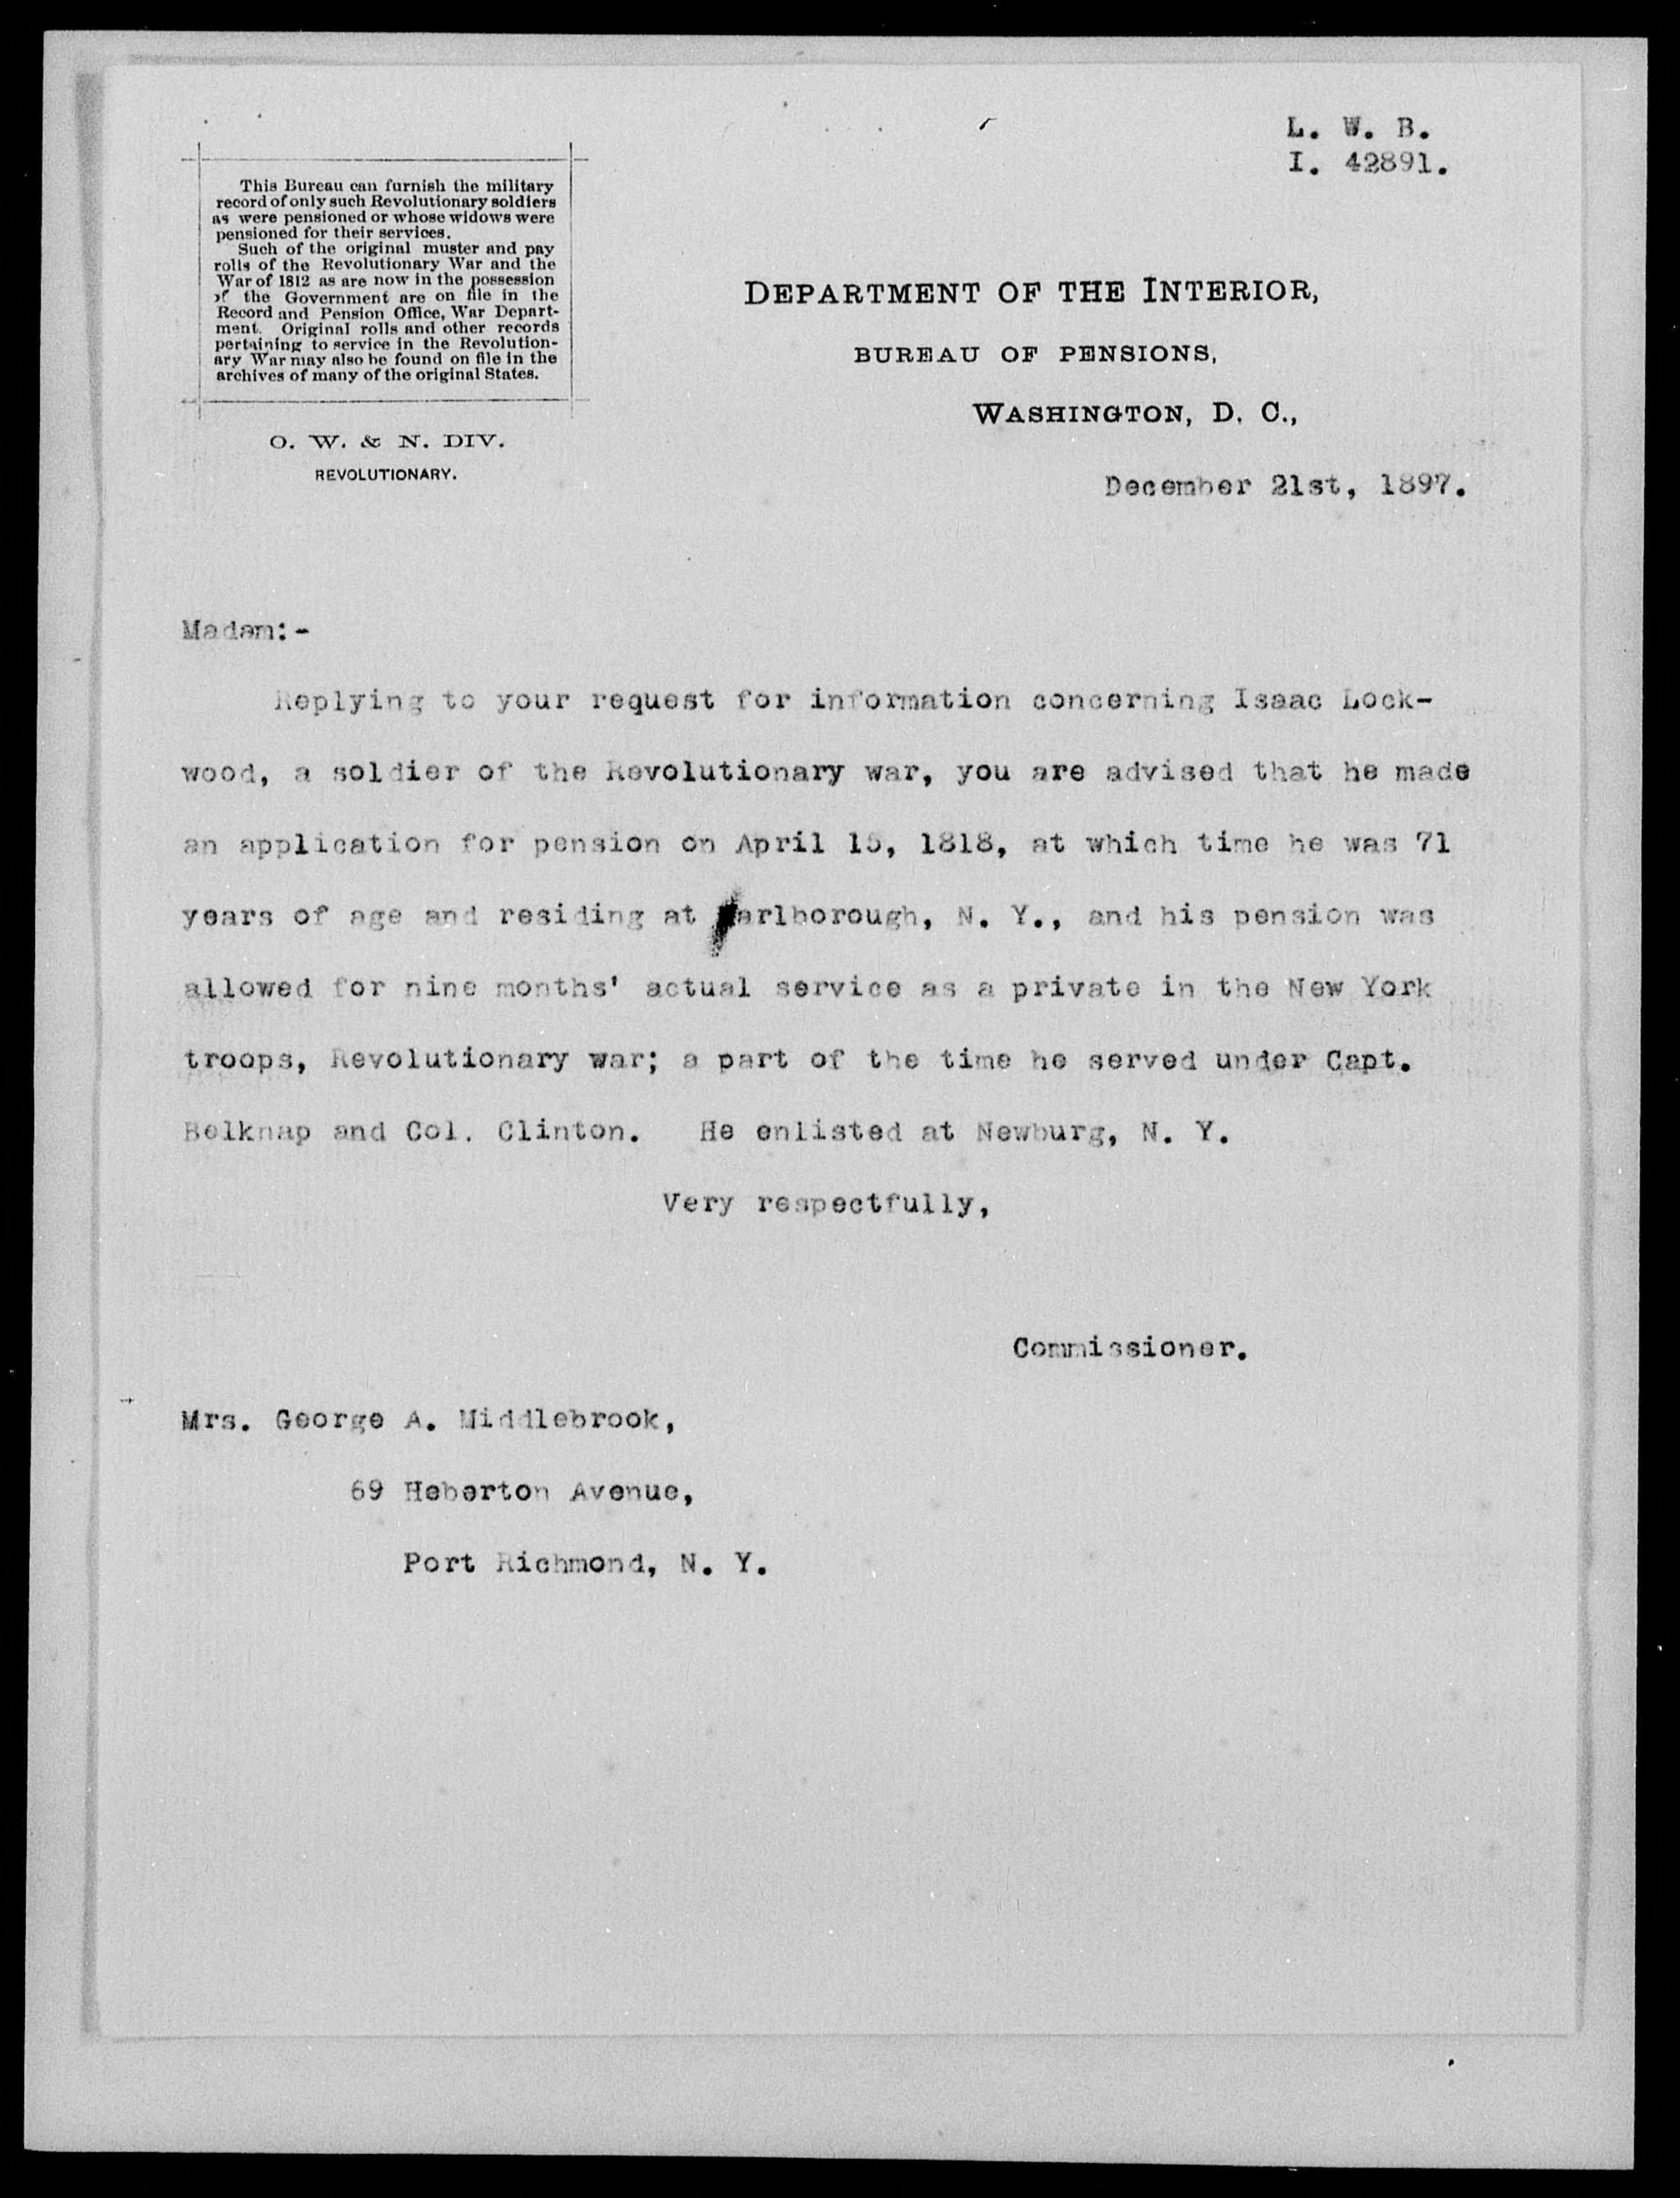L. W. B.
I. 42891

DEPARTMENT OF THE INTERIOR,
BUREAU OF PENSIONS,
WASHINGTON, D. C.,

December 21, 1897

[boxed notice on top left, with border]
This Bureau can furnish the military record of only such Revolutionary soldiers as were pensioned or whose widows were pensioned for their services.

Such of the original muster and pay rolls of the Revolutionary War and the war of 1812 as are now in the possession of the Government are on file in the Record and Pension Office, War Department.  Original rolls and other records pertaining to service in the Revolutionary Was may also be found on file in the archives of many of the original States.
[/box]

O. W. & N. DIV.
REVOLUTIONARY.

[main body of letter]

Madam:-

Replying to your request for information concerning Isaac Lockwood, a soldier of the Revolutionary war, you are advised that he made an application for pension on April 15, 1818, at which time he was 71 years of age and residing at Marlborough, N.Y. and his pension was allowed for nine months' actual service as a private in the New York troops, Revolutionary war; a part of the time he served under Capt. Belknap and Col. Clinton.  He enlisted at Newburg, N.Y.

Very respectfully,

Commissioner.

Mrs. George A. Middlebrook,
69 Heberton Avenue,
Port Richmond, N. Y.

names: George A Middlebrook; [BLANK] Clinton; Isaac Lockwood; [BLANK] Belknap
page: 23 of 23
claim: survivor's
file: S 42891, for Isaac Lockwood, New York